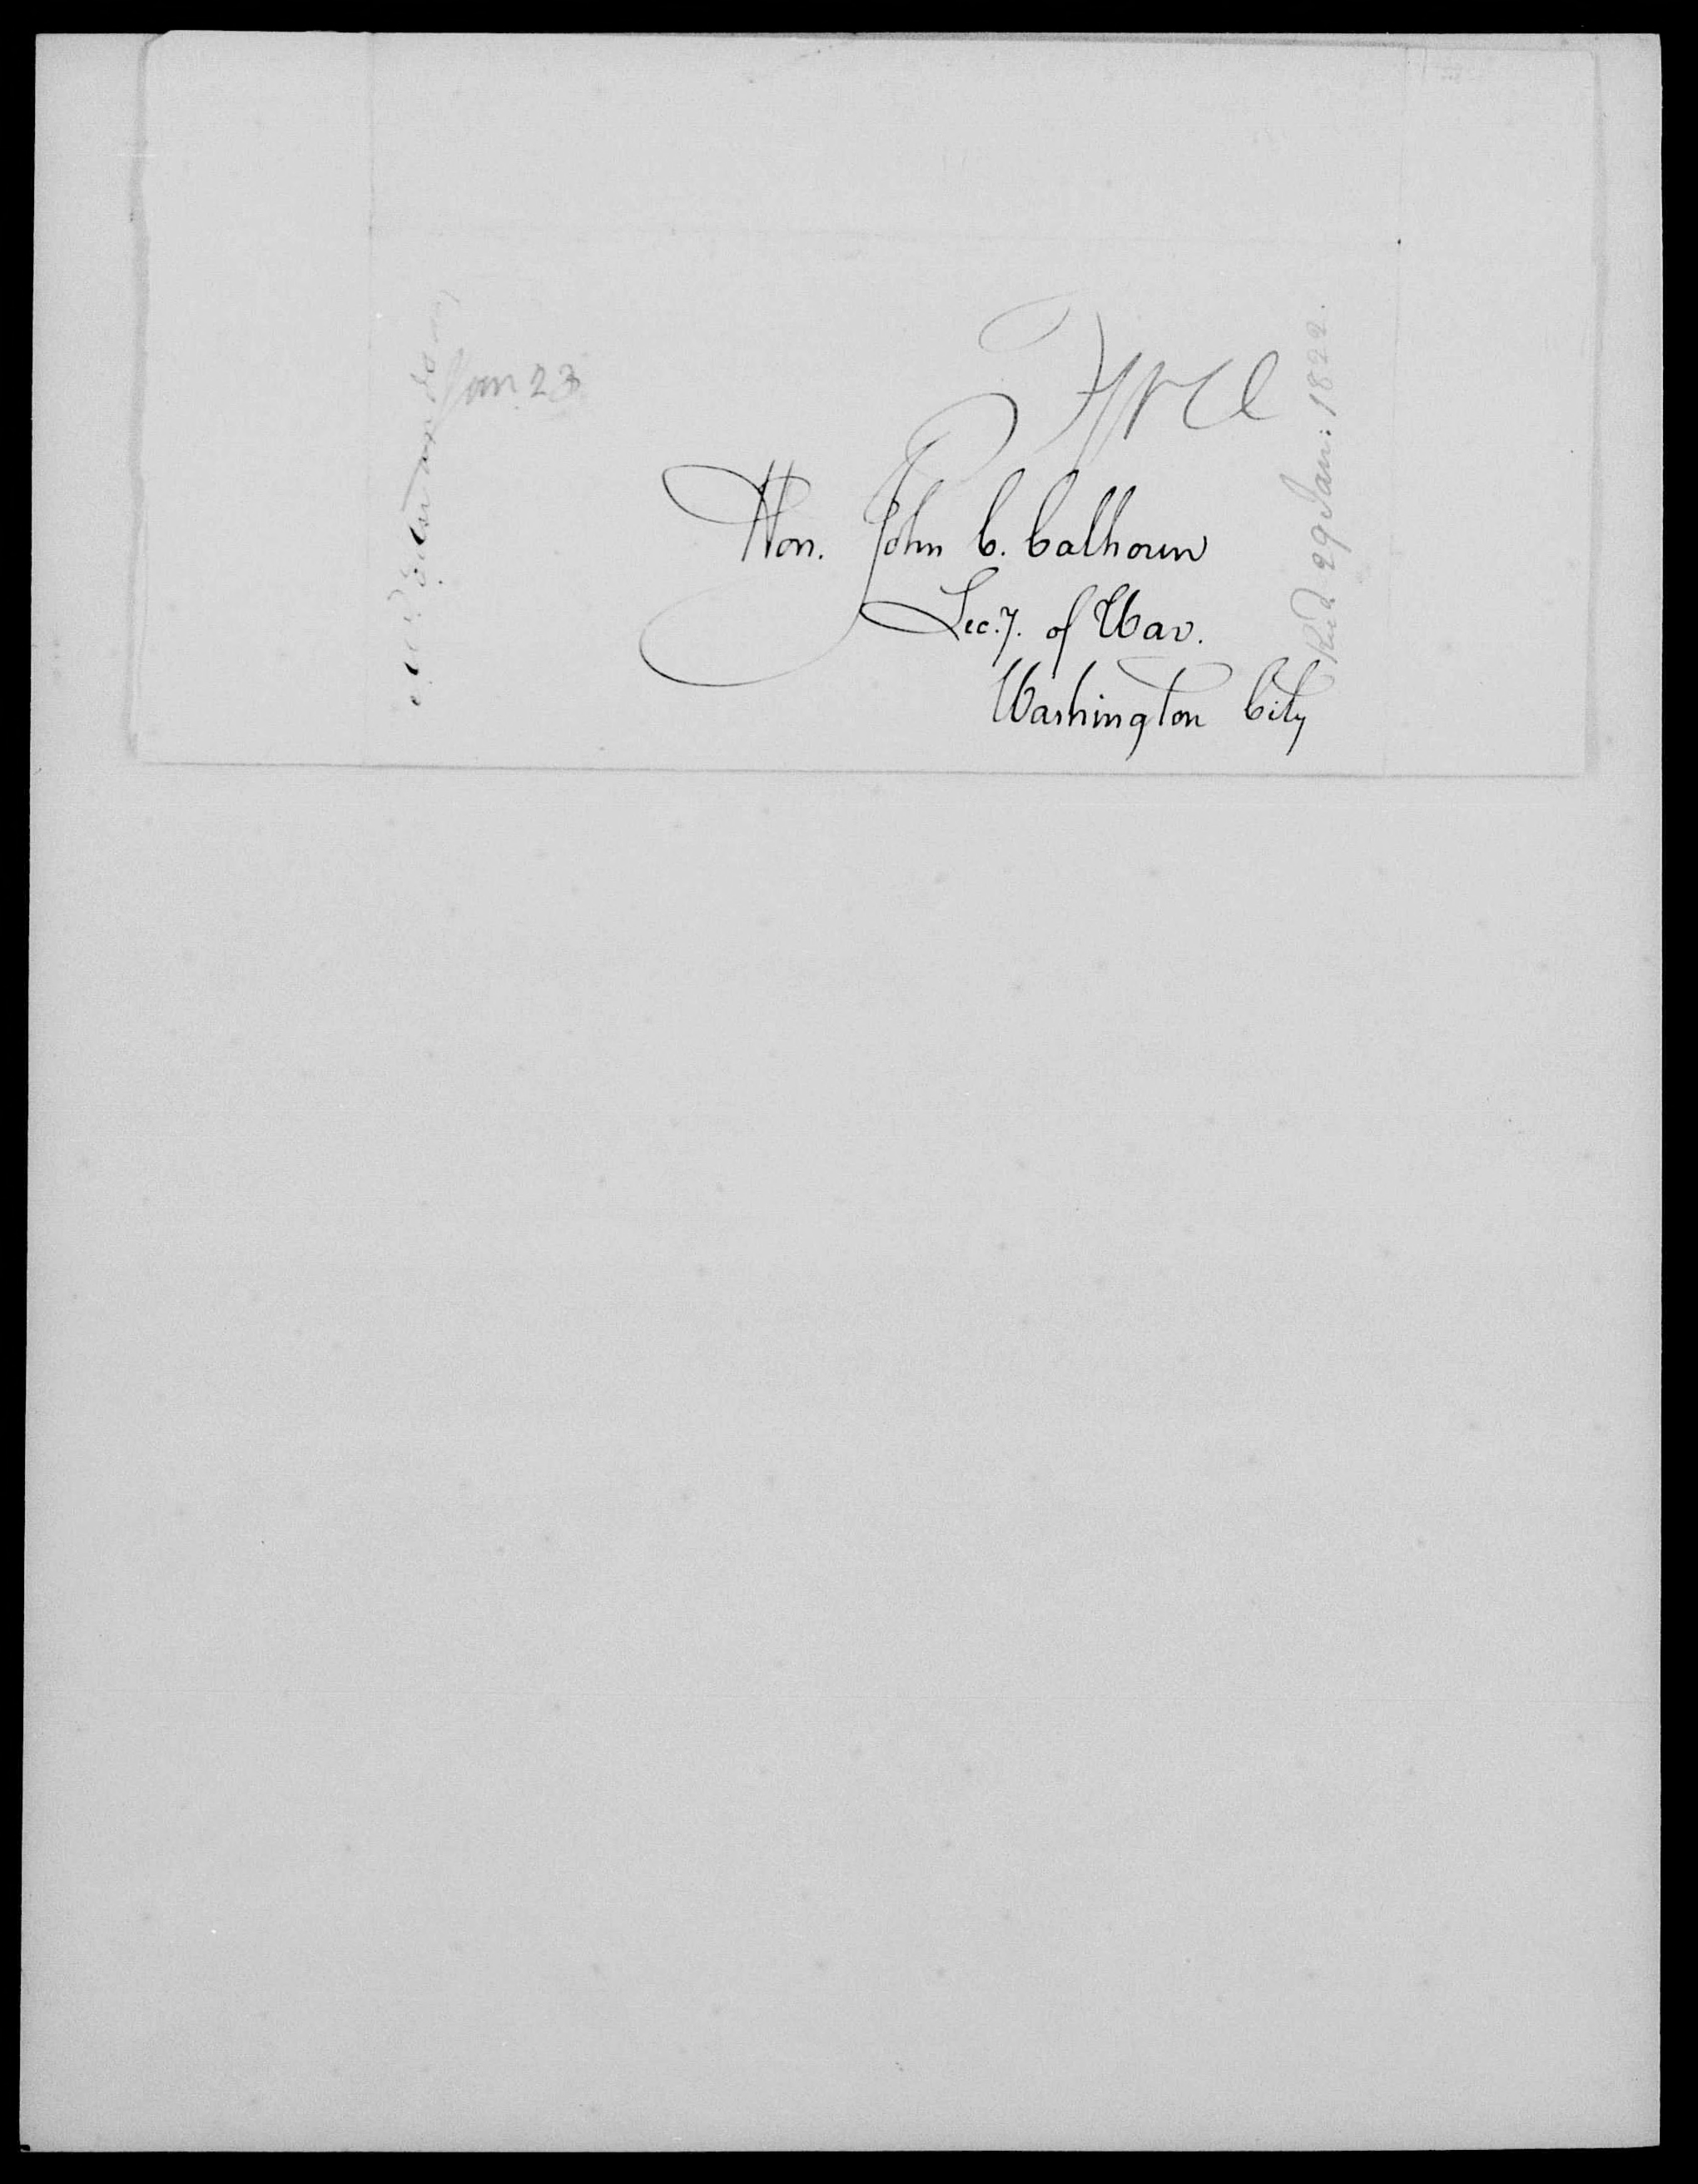Jan 23
Free
Hon. John C. Calhoun
Sec.y. of War
Washington City
Recd 29 Jan. 1822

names: John C Calhoun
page: 11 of 12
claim: survivor's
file: S. 36,233, for John Platt, Connecticut